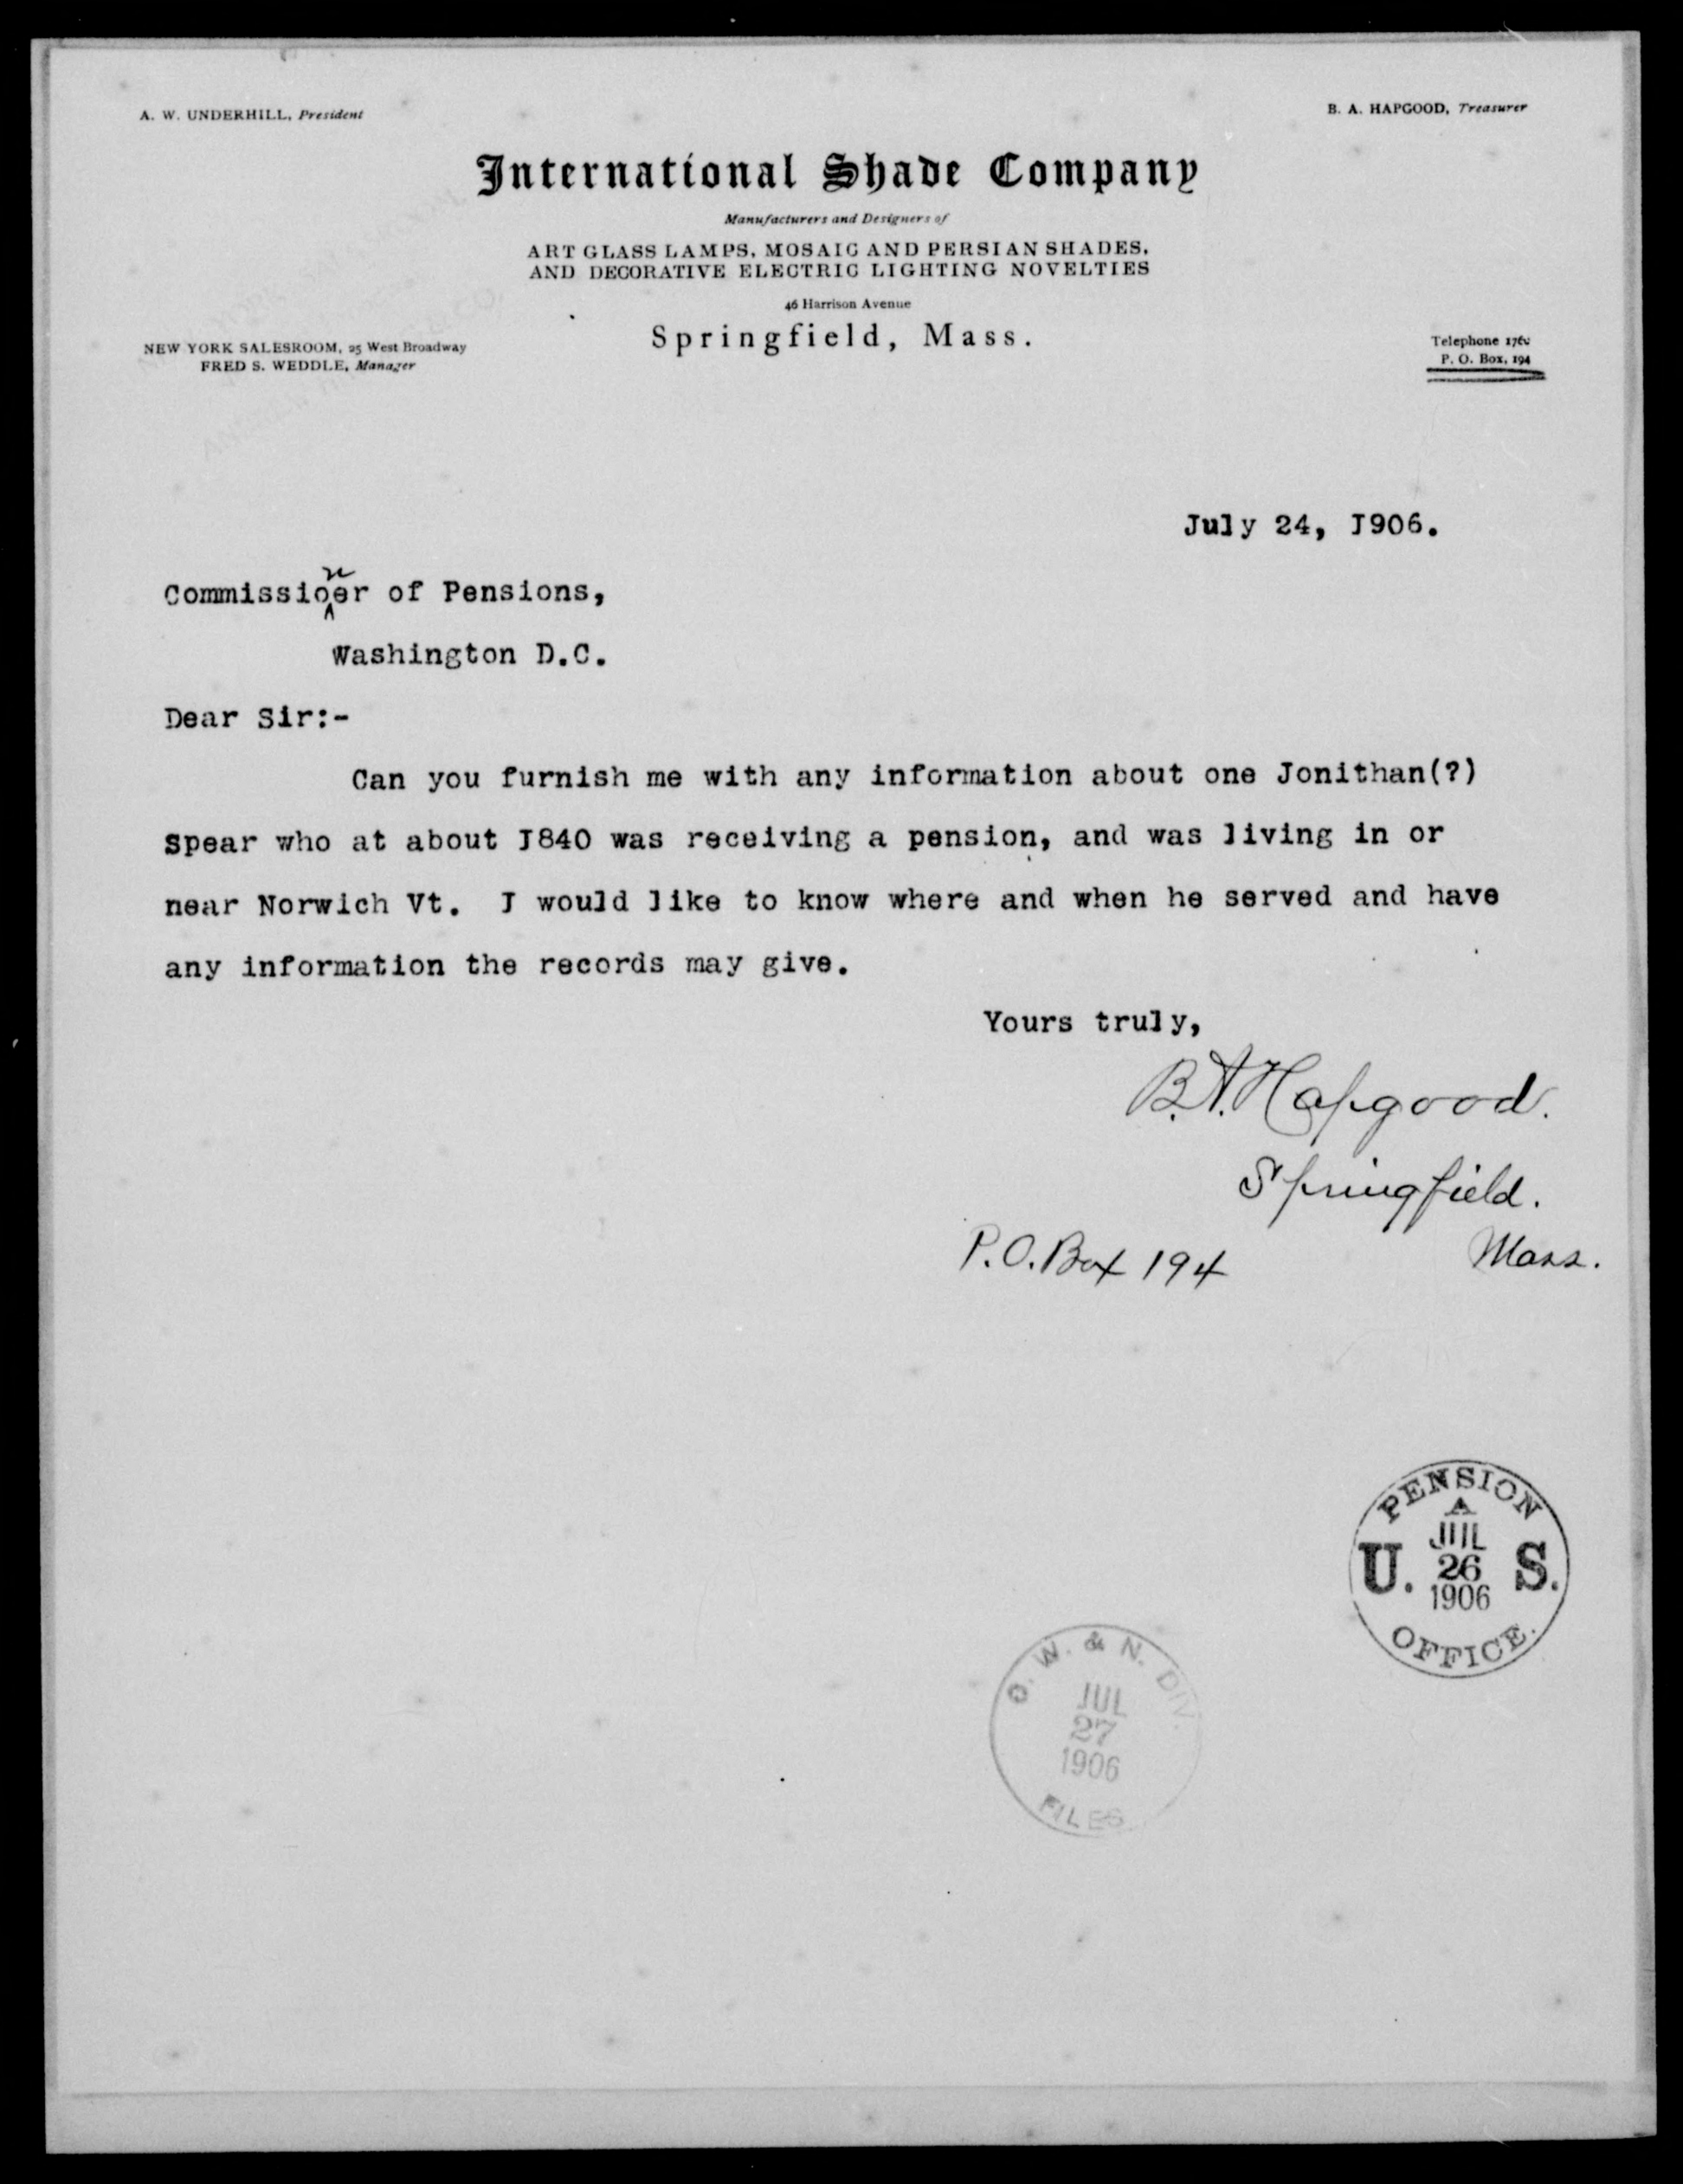A. W. UNDERHILL, President
B. A. HAPGOOD, Treasurer
International Shade Company
Manufacturers and Designers of
ART GLASS LAMPS, MOSAIc AND PERSIAN SHADES. AND DECORATIVE ELECTRIC LIGHTING NOVELTIES
46 Harrison Avenue
Springfield, Mass.
NEW YORK SALESROOM, 95 West Broadway
FRED S. WEDDLE, Manager
Telephone 1760
P.O. Box 194
July 24, 1906.

Commissioner of Pensions,
Washington D.C.
Dear Sir:-

Can you furnish me with any information about one Jonathan (? )
spear who at about 1840 was receiving a pension, and was living in or
near Norwich Vt. I would like to know where and when he served and have
any information the records may give
Yours truly,
B. A. Hapgood.
Springfield
Mass.
P.O. Box 194
PENSION OFFICE
JUL US 26 1906
O.W.&N. DIV
JUL 27 1906 FILES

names: Jonithan Spear; A W Underhill; B A Hapgood; Fred S Weddle; B A Hapgood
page: 65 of 65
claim: widow's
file: W. 7197, for Jonathan Spear, Vermont